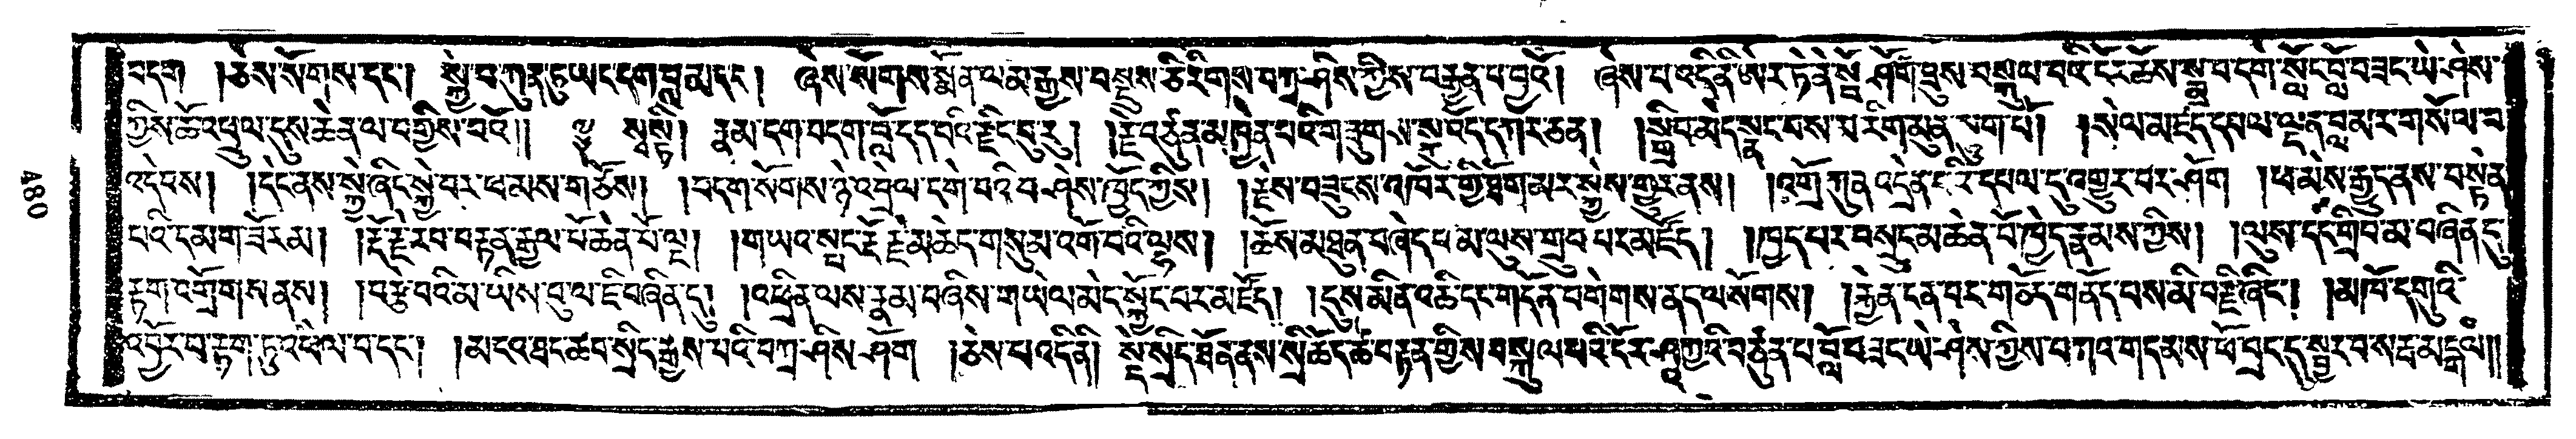བདག །ཅེས་སོགས་དང་། སྐྱེ་བ་ཀུན་ཏུ་ཡང་དག་བླ་མ་དང་། ཞེས་སོགས་སྨོན་ལམ་རྒྱས་བསྡུས་ཅི་རིགས་བཀྲ་ཤིས་ཀྱིས་བརྒྱན་པ་བྱའོ། ཞེས་པ་འདི་ནི་ཨེར་ཏེ་ནེ་སྤོ་ཤོག་ཐུས་བསྐུལ་བའི་ངོར་ཆོས་སྨྲ་བ་དགེ་སློང་བློ་བཟང་ཡེ་ཤེས་
ཀྱིས་ཆོ་འཕྲུལ་དུས་ཆེན་ལ་བགྱིས་བའོ།། ༈ སྭྶྟི། རྣམ་དག་བདག་བློ་དད་བའི་རྫིང་བུ་རུ། །རྗེ་བཙུན་མཁྱེན་པའི་གཟུགས་སྐུ་འོད་དཀར་ཅན། །སྒྲིབ་མེད་སྣང་བས་མ་རིག་མུན་སྟུག་པོ། །སེལ་མཛད་དཔལ་ལྡན་བླ་མར་གསོལ་བ་
འདེབས། །དེང་ནས་སྐྱེ་ཞིང་སྐྱེ་བར་ཕ་མས་གཙོས། །བདག་སོགས་ཉེ་འབྲེལ་དགེ་བའི་བཤེས་ཁྱོད་ཀྱིས། །རྗེས་བཟུངས་འཁོར་གྱི་ཐོག་མར་སྐྱེས་གྱུར་ནས། །འགྲོ་ཀུན་འདྲེན་པའི་དཔལ་དུ་འགྱུར་བར་ཤོག །ཕ་མེས་རྒྱུད་ནས་བསྟེན་
པའི་དམག་ཟོར་མ། །རྡོ་རྗེ་རབ་བརྟན་རྒྱལ་པོ་ཆེན་པོ་ལྔ། །གཡའ་སྤང་རྡོ་རྗེ་མཆེད་གསུམ་འོག་བའི་ལྷས། །ཆོས་མཐུན་བཞེད་པ་མ་ལུས་གྲུབ་པར་མཛོད། །ཁྱད་པར་བསྲུང་མ་ཆེན་པོ་ཁྱེད་རྣམས་ཀྱིས། །ལུས་དང་གྲིབ་མ་བཞིན་དུ་
རྟག་འགྲོགས་ནས། །བརྩེ་བའི་མ་ཡིས་བུ་ལ་ཇི་བཞིན་དུ། །འཕྲིན་ལས་རྣམ་བཞིས་གཡེལ་མེད་སྐྱོང་བར་མཛོད། །དུས་མིན་འཆི་དང་གནོད་བགེགས་ནད་ལ་སོགས། །རྐྱེན་ངན་བར་གཅོད་གནོད་པས་མི་བརྫི་ཞིང་། །མཁོ་དགུའི་
འབྱོར་བ་རྟག་ཏུ་འཕེལ་བ་དང་། །མངའ་ཐང་ཚབ་སྲིད་རྒྱས་པའི་བཀྲ་ཤིས་ཤོག །ཅེས་པ་འདི་ནི། སྡེ་སྲིད་ཐོན་ནས་སྲི་ཆོད་ཚ་བརྟན་གྱིས་བསྐུལ་པའི་ངོར་ཤའྐྱའི་བཙུན་པ་བློ་བཟང་ཡེ་ཤེས་ཀྱིས་བཀའ་གདམས་ཕོ་བྲང་དུ་སྦྱར་བ་སརྦ་མངྒལཾ།།